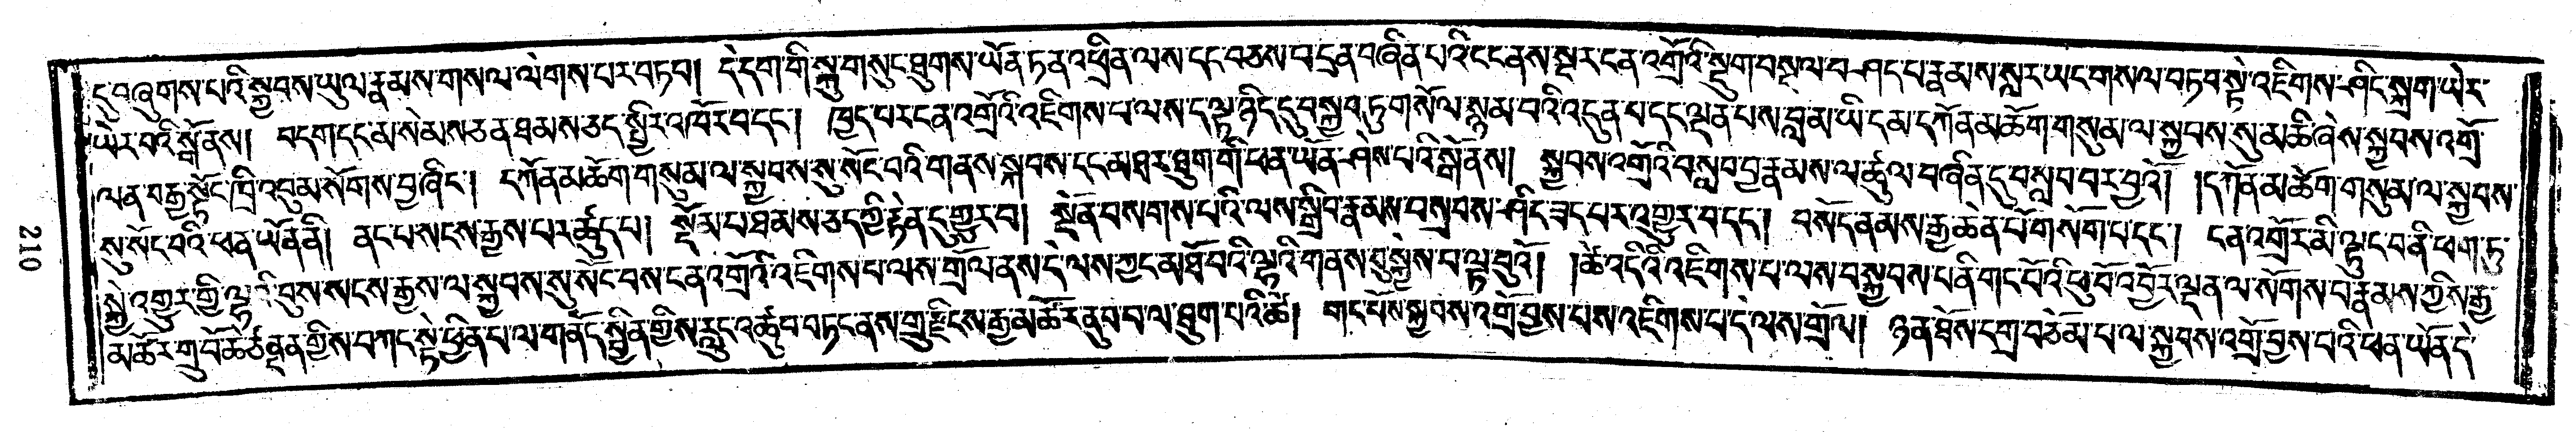དུ་བཞུགས་པའི་སྐྱབས་ཡུལ་རྣམས་གསལ་ལེགས་པར་བཏབ། དེ་དག་གི་སྐུ་གསུང་ཐུགས་ཡོན་ཏན་འཕྲིན་ལས་དང་བཅས་པ་དྲན་བཞིན་པའི་ངང་ནས་སྔར་ངན་འགྲོའི་སྡུག་བསྔལ་བཤད་པ་རྣམས་སླར་ཡང་གསལ་བཏབ་སྟེ་འཇིགས་ཤིང་སྐྲག་ཡེར་
ཡེར་བའི་སྒོ་ནས། བདག་དང་མ་སེམས་ཅན་ཐམས་ཅད་སྤྱིར་འཁོར་བ་དང་། ཁྱད་པར་ངན་འགྲོའི་འཇིགས་པ་ལས་ད་ལྟ་ཉིད་དུ་བསྐྱབ་ཏུ་གསོལ་སྙམ་པའི་འདུན་པ་དང་ལྡན་པས་བླ་མ་ཡི་དམ་དཀོན་མཆོག་གསུམ་ལ་སྐྱབས་སུ་མཆི་ཞེས་སྐྱབས་འགྲོ་
ལན་བརྒྱ་སྟོང་ཁྲི་འབུམ་སོགས་བྱ་ཞིང་། དཀོན་མཆོག་གསུམ་ལ་སྐྱབས་སུ་སོང་བའི་གནས་སྐབས་དང་མཐར་ཐུག་གི་ཕན་ཡོན་ཤེས་པའི་སྒོ་ནས། སྐྱབས་འགྲོའི་བསླབ་བྱ་རྣམས་ལ་ཚུལ་བཞིན་དུ་བསླབ་པར་བྱའོ། །དཀོན་མཆོག་གསུམ་ལ་སྐྱབས་
སུ་སོང་བའི་ཕན་ཡོན་ནི། ནང་པ་སངས་རྒྱས་པར་ཚུད་པ། སྡོམ་པ་ཐམས་ཅད་ཀྱི་རྟེན་དུ་གྱུར་པ། སྔོན་བསགས་པའི་ལས་སྒྲིབ་རྣམས་བསྲབས་ཤིང་ཟད་པར་འགྱུར་བ་དང་། བསོད་ནམས་རྒྱ་ཆེན་པོ་གསོག་པ་དང་། ངན་འགྲོར་མི་ལྟུང་བ་ནི་ཕག་ཏུ་
སྐྱེ་འགྱུར་གྱི་ལྷའི་བུས་སངས་རྒྱས་ལ་སྐྱབས་སུ་སོང་བས་ངན་འགྲོའི་འཇིགས་པ་ལས་གྲོལ་ནས་དེ་ལས་ཀྱང་མཐོ་བའི་ལྷའི་གནས་བུ་སྐྱེས་པ་ལྟ་བུའོ། །ཚེ་འདིའི་འཇིགས་པ་ལས་བསྐྱབས་པ་ནི་གང་པོའི་ཕུ་བོ་འབྱོར་ལྡན་ལ་སོགས་པ་རྣམས་ཀྱིས་རྒྱ་
མཚོར་གྲུ་བོ་ཆེ་ཙནྡན་གྱིས་བཀང་སྟེ་ཕྱིན་པ་ལ་གནོད་སྦྱིན་གྱིས་རླུང་འཚུབ་བཏང་ནས་གྲུ་རྫིངས་རྒྱ་མཚོར་ནུབ་པ་ལ་ཐུག་པའི་ཚེ། གང་པོས་སྐྱབས་འགྲོ་བྱས་པས་འཇིགས་པ་དེ་ལས་གྲོལ། ཉན་ཐོས་དགྲ་བཅོམ་པ་ལ་སྐྱབས་འགྲོ་བྱས་པའི་ཕན་ཡོན་དེ་